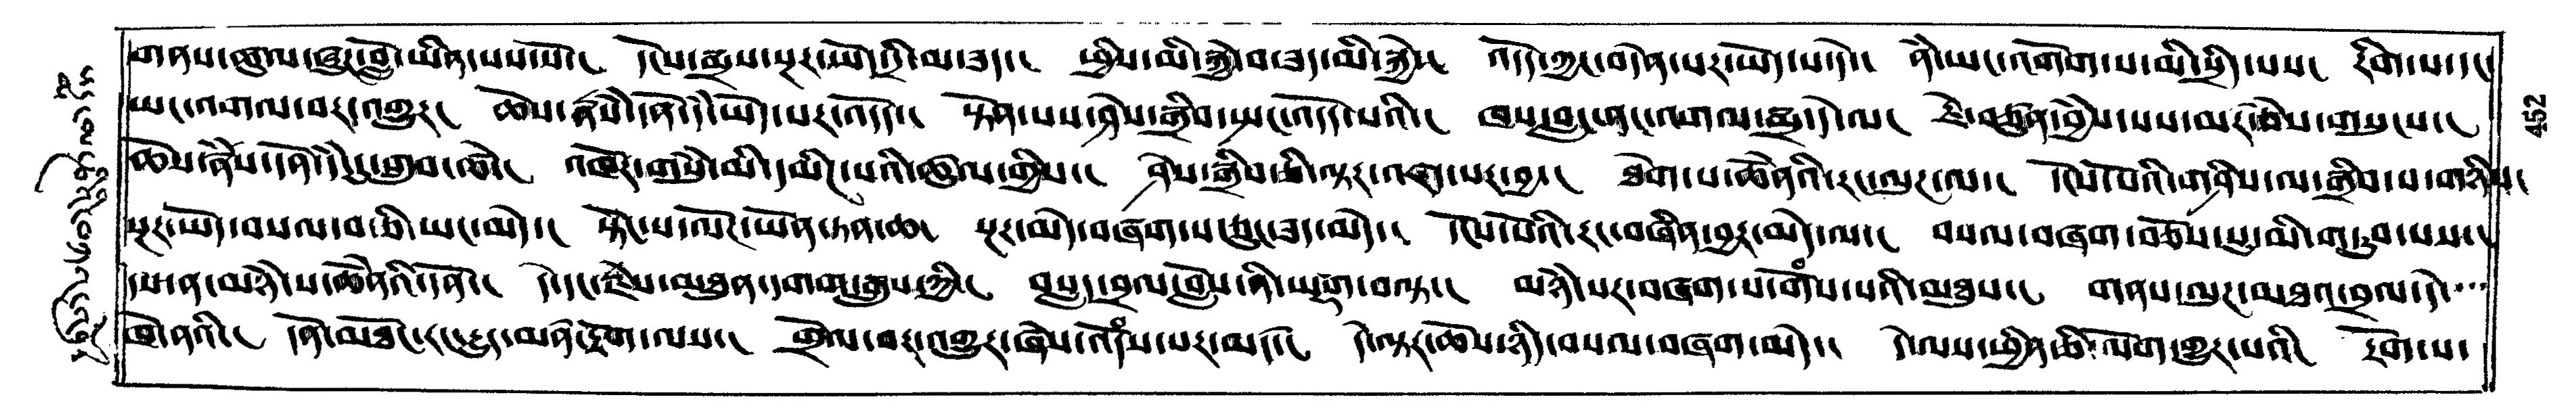གནས་ཚུལ་ཞུགས་བློ་ཡིན་པས་སོ། །དངོས་སྨྲས་སྔར་ཡོད་དྲི་མ་ཟད། །ཕྱིས་མི་སྐྱེ་བ་ཟད་མི་སྐྱེ། །འདོད་ཀྱང་བདེན་པར་ཡོད་པ་དེ། །ནམ་ཡང་འགོག་པ་མི་སྲིད་པས། །རིགས་པ་དང་
ཡང་འགལ་བར་འགྱུར། །ཆོས་རྣམས་དོན་དམ་ཡོད་པར་འདོད། །སྟོན་པས་ཤེས་སྒྲིབ་སྤང་འདོད་པའི། ཁས་བླང་ནང་འགལ་སྨྲ་དེ་ལ། །རྗེ་བཙུན་བྱམས་པས་མཛད་ཅེས་གསུངས། །
ཆོས་རྣམས་དོན་དམ་དུ་གྲུབ་ཚེ། །འཁོར་གསུམ་མི་དམིགས་པའི་ཚུལ་གྱིས། །ཤེས་སྒྲིབ་ཅི་ལྟར་འ྄ཛད་པར་བྱ། །ཐེག་པ་ཆེན་པོའི་རང་ལུགས་ལ། །དངོས་པོའི་གཤིས་ལ་སྒྲིབ་པ་གཉིས། །
སྔར་ཡོད་བསལ་བ་ཅི་ཡང་མེད། །སྟོང་པ་ལ་སོགས་ཡོན་ཏན་ཆ། །སྔར་མེད་བཞག་པ་ཅུང་ཟད་མེད། །དངོས་པོའི་རང་བཞིན་བྱར་མེད་ལ། །བསལ་བཞག་བཅོས་སུ་མི་གཏུབ་པས། །
དེས་ན་མཉམ་པ་ཆེན་པོའི་དོན། །དེ་དང་རྗེས་མཐུན་དགག་སྒྲུབ་ཀྱི། །བསླད་བྲལ་བློས་ནི་ཡང་དག་བལྟ། །མཉམ་པར་བཞག་པ་གོམས་པའི་མཐུས། །གནས་ལུགས་མཐའ་བྲལ་དེ་
ཁོ་ནའི། །དོན་མཐོང་རང་རྒྱུད་མཚན་རྟོག་ལས། །གྲོལ་བར་འགྱུར་ཞེས་འདོམས་པར་མཛད། །དེ་ལྟར་ཆོས་ཉིད་བསལ་བཞག་མེད། །དེ་ལས་ཕྱིན་ཅི་ལོག་གྱུར་པའི། །རྟོག་པ་